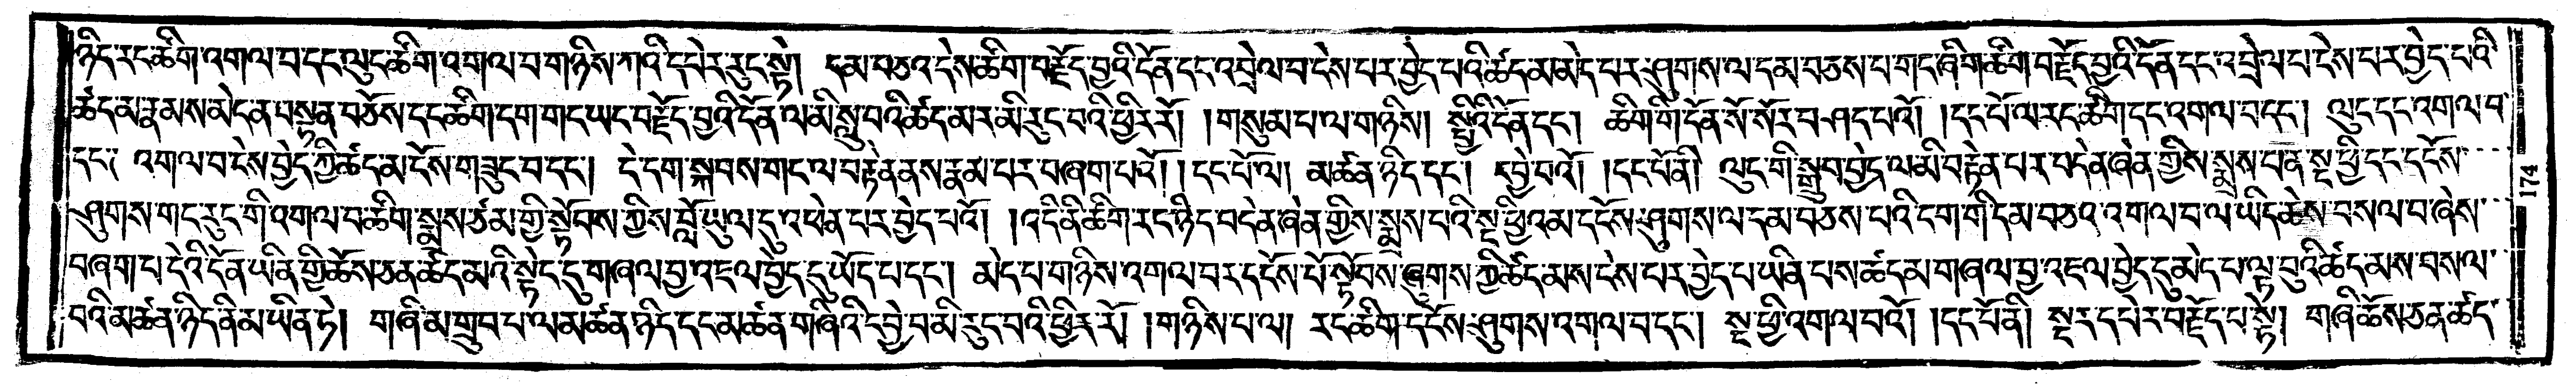ཉིད་རང་ཚིག་འགལ་བ་དང་ལུང་ཚིག་འགལ་བ་གཉིས་ཀའི་དཔེར་རུང་སྟེ། དམ་བཅའ་དེས་ཚིག་བརྗོད་བྱའི་དོན་དང་འབྲེལ་བ་ངེས་པར་བྱེད་པའི་ཚད་མ་མེད་པར་ཤུགས་ལ་དམ་བཅས་པ་གང་ཞིག་ཚིག་བརྗོད་བྱའི་དོན་དང་འབྲེལ་པ་ངེས་པར་བྱེད་པའི་
ཚད་མ་རྣམས་མེད་ན་བསྟན་བཅོས་དང་ཚིག་དག་གང་ཡང་བརྗོད་བྱའི་དོན་ལ་མི་སླུ་བའི་ཚད་མར་མི་རུང་བའི་ཕྱིར་རོ། །གསུམ་པ་ལ་གཉིས། སྤྱིའི་དོན་དང་། ཚིག་གི་དོན་སོ་སོར་བཤད་པའོ། །དང་པོ་ལ་རང་ཚིག་དང་འགལ་བ་དང་། ལུང་དང་འགལ་བ་
དང༑ འགལ་བ་ངེས་བྱེད་ཀྱི་ཚད་མ་ངོས་གཟུང་བ་དང་། དེ་དག་སྐབས་གང་ལ་བརྟེན་ནས་རྣམ་པར་བཞག་པའོ། །དང་པོ་ལ། མཚན་ཉིད་དང་། དབྱེ་བའོ། །དང་པོ་ནི། ལུང་གི་སྒྲུབ་བྱེད་ལ་མི་བརྟེན་པར་བདེན་ཞེ་ན་གྱིས་སྨྲས་པ་ན་སྔ་ཕྱི་དང་དངོས་
ཤུགས་གང་རུང་གི་འགལ་བ་ཚིག་སྨྲས་ཙམ་གྱི་སྟོབས་ཀྱིས་བློ་ཡུལ་དུ་འཕེན་པར་བྱེད་པའོ། །འདི་ནི་ཚིག་རང་ཉིད་བདེན་ཞེན་གྱིས་སྨྲས་པའི་སྔ་ཕྱིའམ་དངོས་ཤུགས་ལ་དམ་བཅས་པའི་ངག་གི་དམ་བཅའ་འགལ་བ་ལ་ཡིད་ཆེས་བསལ་བ་ཞེས་
བཞག་པ་དེའི་དོན་ཡིན་གྱི་ཆོས་ཅན་ཚད་མའི་སྟེང་དུ་གཞལ་བྱ་འཇལ་བྱེད་དུ་ཡོད་པ་དང་། མེད་པ་གཉིས་འགལ་བར་དངོས་པོ་སྟོབས་ཞུགས་ཀྱི་ཚད་མས་ངེས་པར་བྱེད་པ་ཡིན་པས་ཚད་མ་གཞལ་བྱ་འཇལ་བྱེད་དུ་མེད་པ་ལྟ་བུའི་ཚད་མས་བསལ་
བའི་མཚན་ཉིད་ནི་མ་ཡིན་ཏེ། གཞི་མ་གྲུབ་པ་ལ་མཚན་ཉིད་དང་མཚན་གཞིའི་དབྱེ་བ་མི་རུང་བའི་ཕྱིར་རོ། །གཉིས་པ་ལ། རང་ཚིག་དངོས་ཤུགས་འགལ་བ་དང་། སྔ་ཕྱི་འགལ་བའོ། །དང་པོ་ནི། སྔར་དཔེར་བརྗོད་པ་སྟེ། གཞི་ཆོས་ཅན་ཚད་